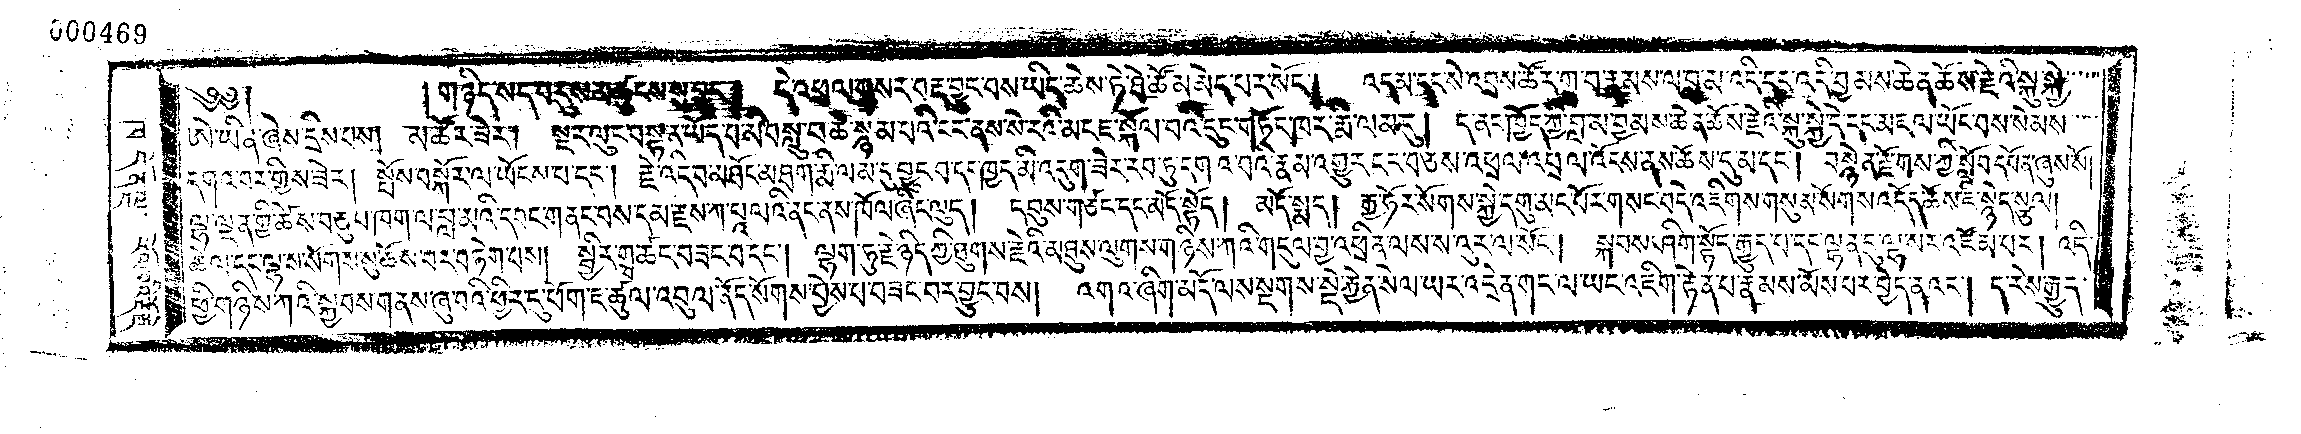༄༅། །གཉིད་སད་བ་དུས་མཚུངས་སུ་བྱུང་། དེ་འབྲལ་གསར་བརྡ་བྱུང་བས་ཡིད་ཆེས་ཏེ་ཐེ་ཚོམ་མེད་པར་སོང་། འདམ་དང་སེ་འབྲས་ཚེར་གྲྭ་བ་རྣམས་ལ་བླ་མ་འདི་དང་འདི་བྱམས་ཆེན་ཆོས་རྗེའི་སྐུ་སྐྱེ་
ཨེ་ཡིན་ཞེས་དྲིས་བས༑ མ་ཚོར་ཟེར། སྔར་ལུང་བསྟན་ཡོད་པ་མི་བསླུ་བ་ཆེ་སྙམ་པའི་ངང་ནས་སེ་རའི་མང་ཇ་སྐོལ་བའི་དུང་གཏོང་ཁར་རྨི་ལམ་དུ། ད་ནང་ཁྱོད་ཀྱི་བླ་མ་བྱམས་ཆེན་ཆོས་རྗེའི་སྐུ་སྐྱེ་དེ་དང་མཇལ་ཡོང་བས་སེམས་
དགའ་བར་གྱིས་ཟེར། སྤོས་བསྐོར་ལ་ཡོངས་པ་དང་། རྗེ་འདི་བ་མཐོང་མ་ཐག་རྨི་ལམ་དུ་བྱུང་བ་དང་ཁྱད་མི་འདུག་ཟེར་རབ་ཏུ་དགའ་བའི་རྣམ་འགྱུར་དང་བཅས་འཕྲལ་འཕྲལ་འོངས་ནས་ཆོས་དུ་མ་དང་། བསྙེན་རྫོགས་ཀྱི་སློབ་དཔོན་ཞུས་སོ།
ལྷ་ལྡན་གྱི་ཚེས་བཅུ་པ་ཁག་ལ་བླ་མའི་དབང་གནང་བས་དམ་རྫས་ག་པཱ་ལའི་ནང་ནས་ཁོལ་ཞིང་ལུད། དབུས་གཙང་དང་མདོ་སྟོད། མདོ་སྨད། རྒྱ་ཧོར་སོགས་སྐྱེ་དགུ་མང་པོར་གསང་བདེ་འཇིགས་གསུམ་སོགས་འདོད་ཆོས་ཇི་སྙེད་སྩལ།
ཚལ་དང་ལྷས་སོགས་སུ་ཆོས་པར་བཏེག་པས། སྤྱིར་གྲྭ་ཚང་བཟང་བ་དང་། ལྷག་ཏུ་རྗེ་ཉིད་ཀྱི་ཐུགས་རྗེའི་མཐུས་ལུགས་གཉིས་ཀའི་གདུལ་བྱ་འཕྲིན་ལས་ས་འུར་ལ་སོང་། སྐབས་ཤིག་སྟོད་རྒྱུད་བ་དང་ལྷན་དུ་ལྷ་སར་འཛོམ་པར། འདི་
ཕྱི་གཉིས་ཀའི་སྐྱབས་གནས་ཞུ་བའི་ཕྱིར་དུ་ཕོག་ཇ་ཚུལ་འབུལ་ནོད་སོགས་བྱེས་པ་བཟང་བར་བྱུང་བས། འགའ་ཞིག་མདོ་ལས་སྔགས་སྡེ་རྐྱེན་སེལ་ཡར་འདྲེན་གང་ལ་ཡང་འཇིག་རྟེན་པ་རྣམས་མོས་པར་བྱེད་ནའང་། ད་རེས་རྒྱུད་